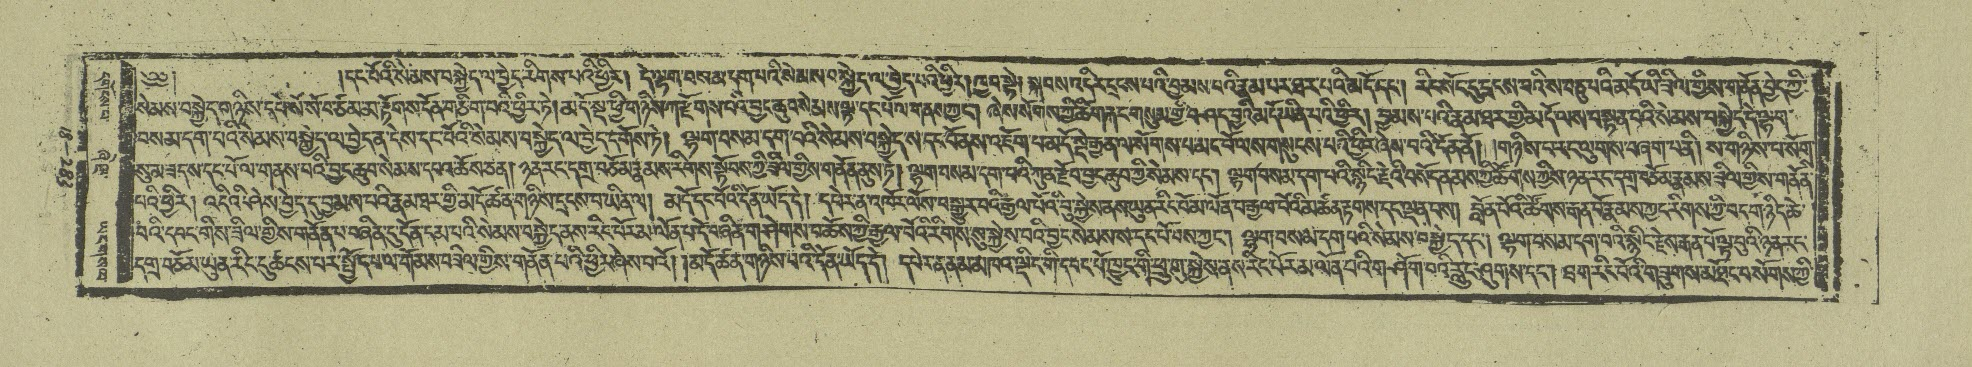༄༅། །དང་པོའི་སེམས་བསྐྱེད་ལ་བྱེད་རིགས་པའི་ཕྱིར། དེ་ལྷག་བསམ་དག་པའི་སེམས་བསྐྱེད་ལ་བྱེད་པའི་ཕྱིར། ཁྱབ་སྟེ། སྐབས་འདིར་དྲངས་བའི་བྱམས་པའི་རྣམ་པར་ཐར་བའི་མདོ་དང་། རིང་སོང་དུ་དྲངས་བའི་ས་བཅུ་པའི་མདོ་ཡི་ཟིལ་གྱིས་གནོན་བྱེད་ཀྱི་
སེམས་བསྐྱེད་གཉིས་དཔེ་སོ་སོ་བ་ཙམ་མ་རྟོགས་དོན་གཅིག་པའི་ཕྱིར་ཏེ། མདོ་སྔ་ཕྱི་གཉིས་ཀ་རྫོགས་པའི་བྱང་ཆུབ་སེམས་ལྟ་དང་པོ་ལ་གནས་ཀྱང་། ཞེས་སོགས་ཀྱི་ཚིག་རྐང་གསུམ་གྱི་བཤད་བྱའི་མདོ་ཡིན་པའི་ཕྱིར། བྱམས་པའི་རྣམ་ཐར་གྱི་མདོ་ལས་བསྟན་པའི་སེམས་བསྐྱེད་དེ་ལྷག་
བསམ་དག་པའི་སེམས་བསྐྱེད་ལ་བྱེད་ན་དེས་དང་པོའི་སེམས་བསྐྱེད་ལ་བྱེད་དགོས་ཏེ། ལྷག་བསམ་དག་པའི་སེམས་བསྐྱེད་ས་དང་པོ་ནས་འཇོག་པ་མདོ་སྡེ་རྒྱན་ལ་སོགས་པ་མང་པོ་ལས་གསུངས་པའི་ཕྱིར་ཞེས་བའི་དོན་ནོ། །གཉིས་པ་རང་ལུགས་བཞག་པ་ནི། ས་གཉིས་པ་སོགས་
སུ་མ་ཟད་ས་དང་པོ་ལ་གནས་པའི་བྱང་ཆུབ་སེམས་དཔའ་ཆོས་ཅན། ཉན་རང་དགྲ་བཅོམ་རྣམས་རིགས་སྟོབས་ཀྱི་ཟིལ་གྱིས་གནོན་ནུས་ཏེ། ལྷག་བསམ་དག་པའི་ཀུན་རྫོབ་བྱང་ཆུབ་ཀྱི་སེམས་དང་། ལྷག་བསམ་དག་པའི་སྙིང་རྗེའི་བསོད་ནམས་ཀྱི་ཚོགས་ཀྱིས་ཉན་རང་དགྲ་བཅོམ་རྣམས་ཟིལ་གྱིས་གནོན་
པའི་ཕྱིར། འདིའི་ཤེས་བྱེད་དུ་བྱམས་པའི་རྣམ་ཐར་གྱི་མདོ་ཚན་གཉིས་དྲངས་བ་ཡིན་ལ། མདོ་དང་པོའི་དོན་ཡོད་དེ། དཔེར་ན་འཁོར་ལོས་བསྒྱུར་བའི་རྒྱལ་པོའི་བུ་སྐྱེས་ནས་ཡུན་རིང་པོ་མ་ལོན་པ་རྒྱལ་པོའི་མཚན་རྟགས་དང་ལྡན་པས། བློན་པོའི་ཚོགས་རྒན་པོ་རྣམས་ཀྱང་རིགས་ཀྱི་བདག་ཉིད་ཆེ་
བའི་དབང་གིས་ཟིལ་གྱིས་གནོན་པ་བཞིན་དུ་དོན་དམ་པའི་སེམས་བསྐྱེད་ནས་རིང་པོར་མ་ལོན་པ་དེ་བཞིན་གཤེགས་པ་ཆོས་ཀྱི་རྒྱལ་པོའི་རིགས་སུ་སྐྱེས་པའི་བྱང་སེམས་ས་དང་པོ་བས་ཀྱང་། ལྷག་བསམ་དག་པའི་སེམས་བསྐྱེད་དང་། ལྷག་བསམ་དག་པའི་སྙིང་རྗེས་རྒན་པོ་ལྟ་བུའི་ཉན་རང་
དགྲ་བཅོམ་ཡུན་རིང་དུ་ཚངས་པར་སྤྱོད་པ་ལ་གོམས་བ་ཟིལ་གྱིས་གནོན་པའི་ཕྱིར་ཞེས་པའོ། །མདོ་ཚན་གཉིས་པའི་དོན་ཡོད་དེ། དཔེར་ན་ནམ་མཁའ་ལྡིང་གི་དབང་པོ་ཁྱུང་གི་ཕྲུ་གུ་སྐྱེས་ནས་རིང་པོར་མ་ལོན་པའི་གཤོག་པའི་རླུང་ཤུགས་དང་། ཐག་རིང་པོའི་གཟུགས་མ་མཐོང་བ་སོགས་ཀྱི་